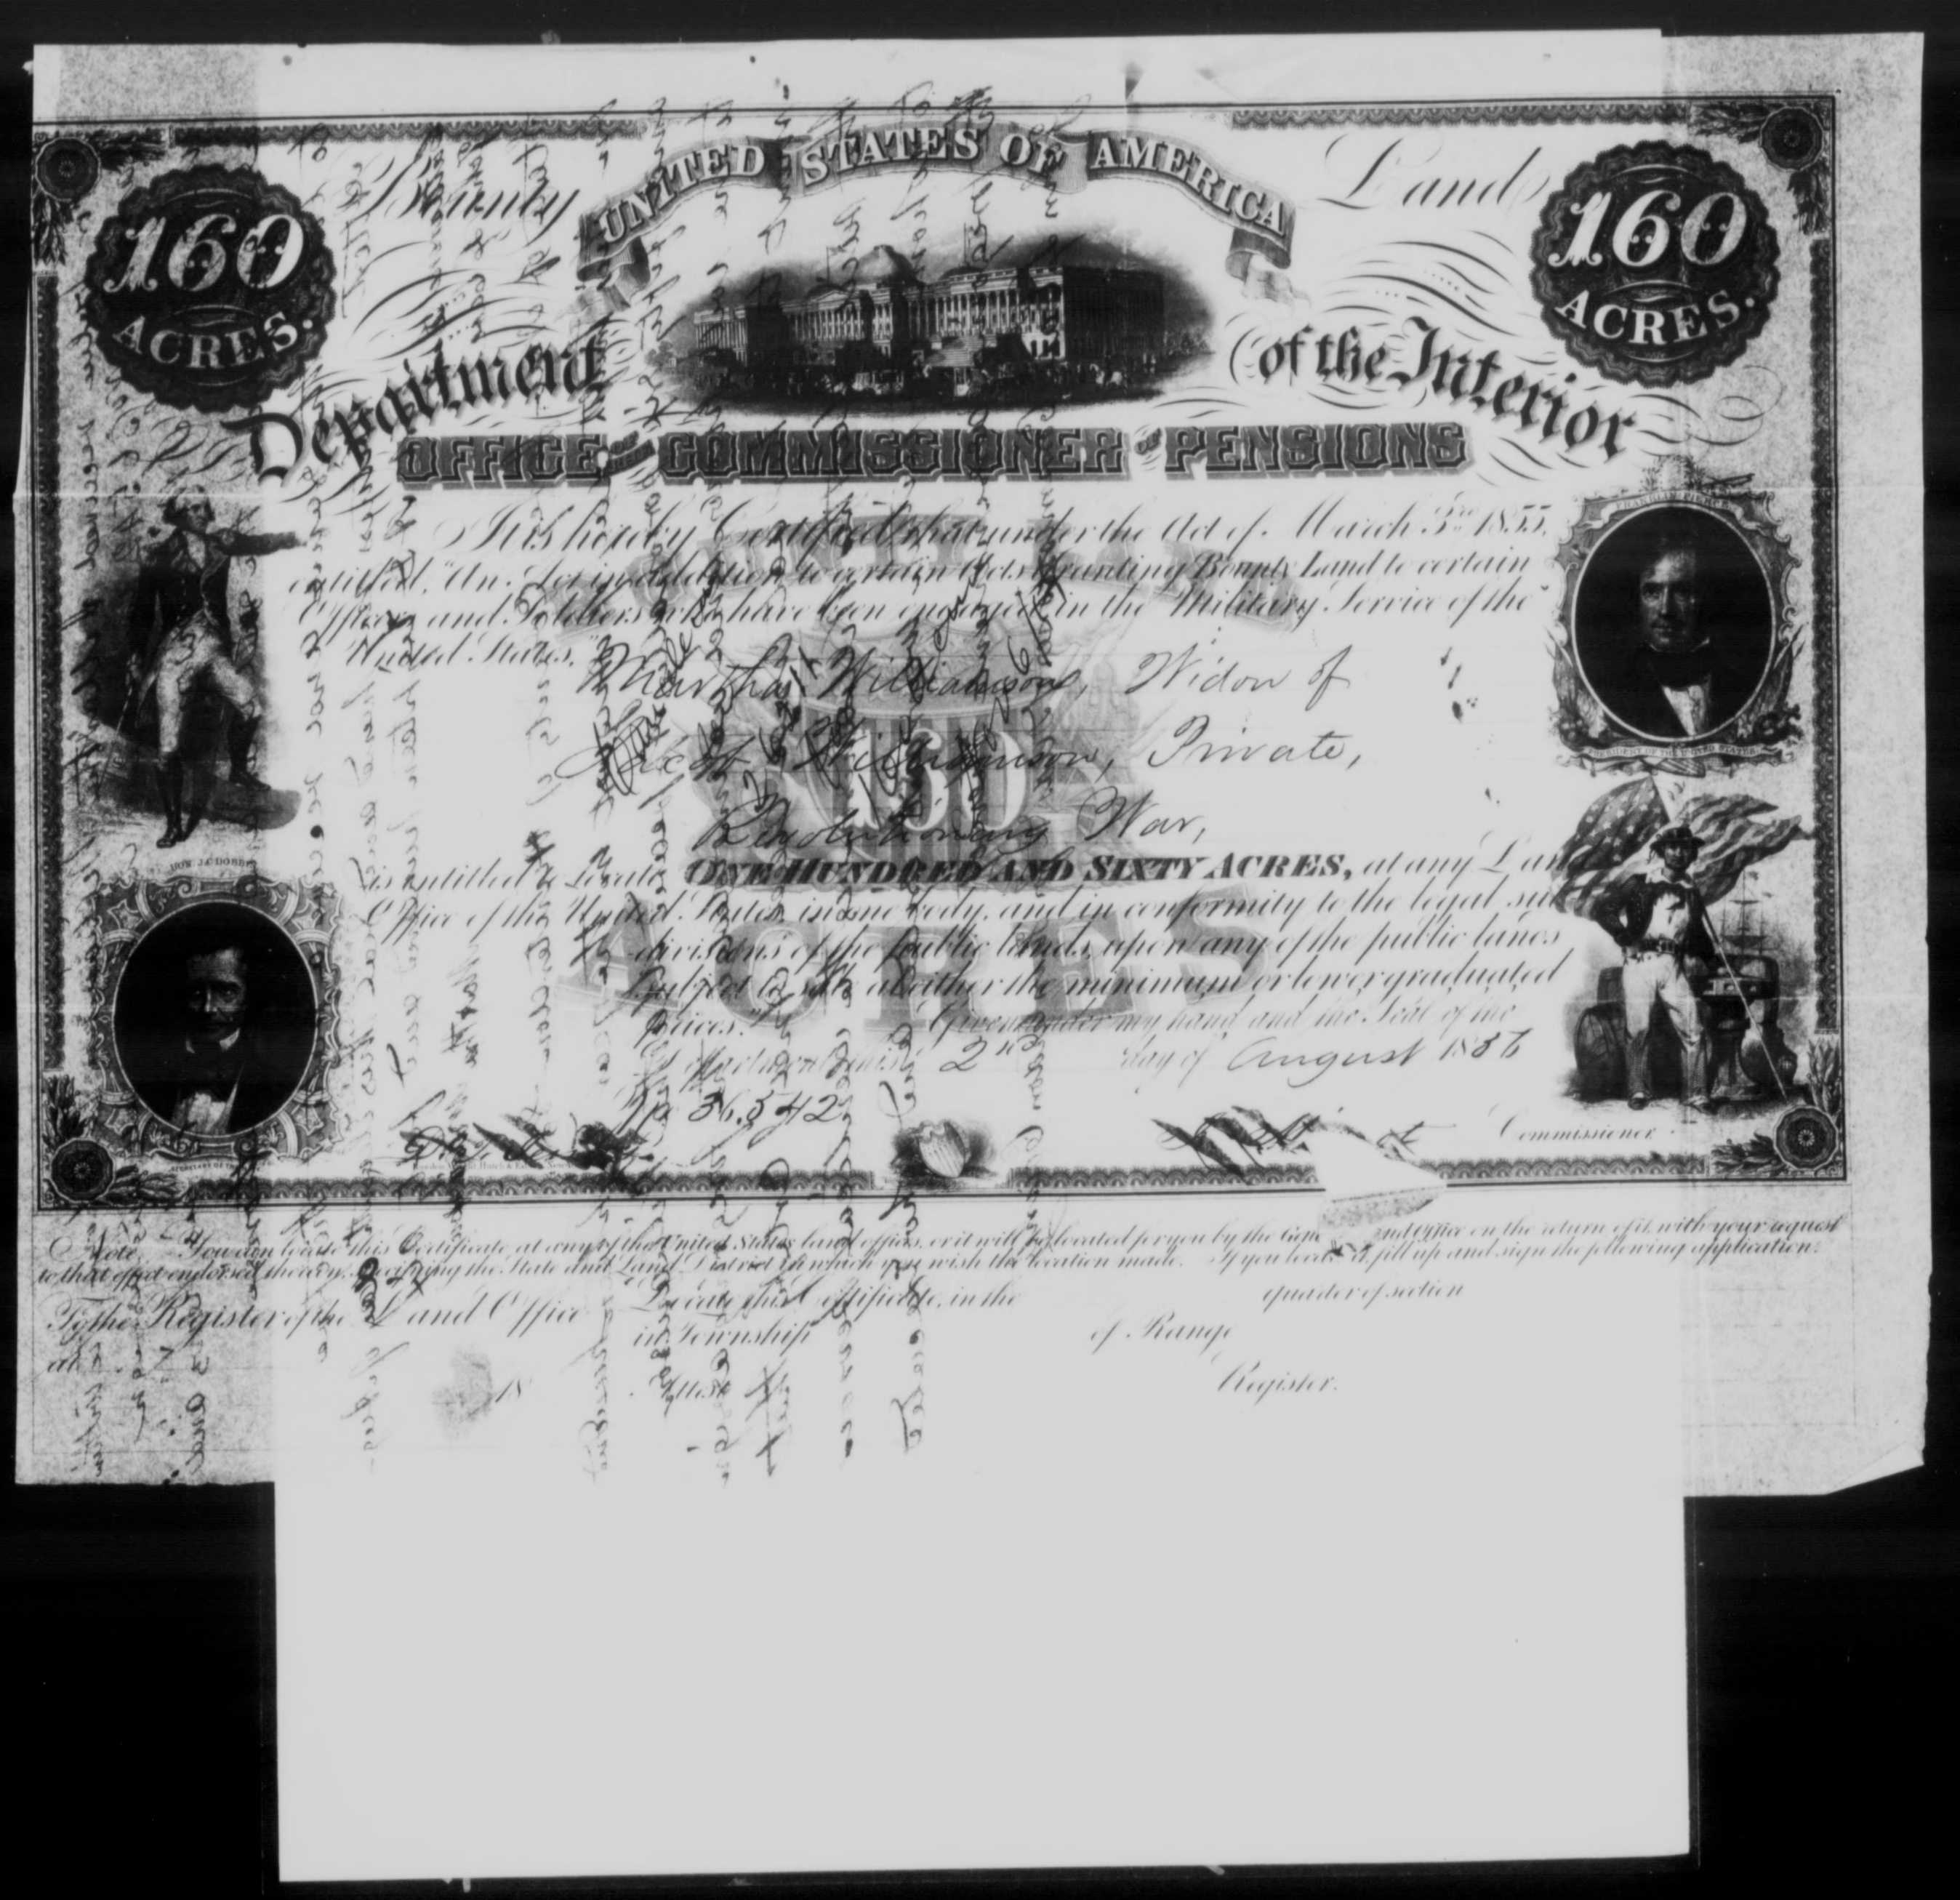160 Acres.
Bounty Land
UNITED STATES OF AMERICA.
Department of the Interior.
OFFICE OF THE COMMISSIONER OF PENSIONS.

It is hereby certified that under the Act of March 3rd 1855 entitled, "An Act, in addition to certain Acts granting Bounty Lands to certain Officers and Soldiers who have been engaged in the Military Services of the United States."

Martha Williamson, widow of Jacob Williamson, Private, Revolutionary War is entitled to locate ONE HUNDRED AND SIXTY ACRES in the United States, in one body, and in conformity to the legal subdivisions of the public lands, subject to sale at either the minimum or lower graduated prices.

Given under my hand and the Seal of the Department this 2nd day of August 1857.

[illegible]

s/ J. Minot, Commissioner

Note: You can locate this Certificate at any of the United States land offices or it will be located for you by the General Land Officer on the return of it with your request to that effect endorsed thereon specifying the State and Land District in which you wish the location made. If you locate it fill up and sign the following application. 

To the Register of the Land Office at (blank). Locate this Certificate in the (blank) quarter of section in the Township (blank) of Range (blank) Register.

Attest (blank).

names: Martha Williamson, Jacob Williamson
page: 62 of 67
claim: widow's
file: W. 2393, Jacob Williamson, New Jersey